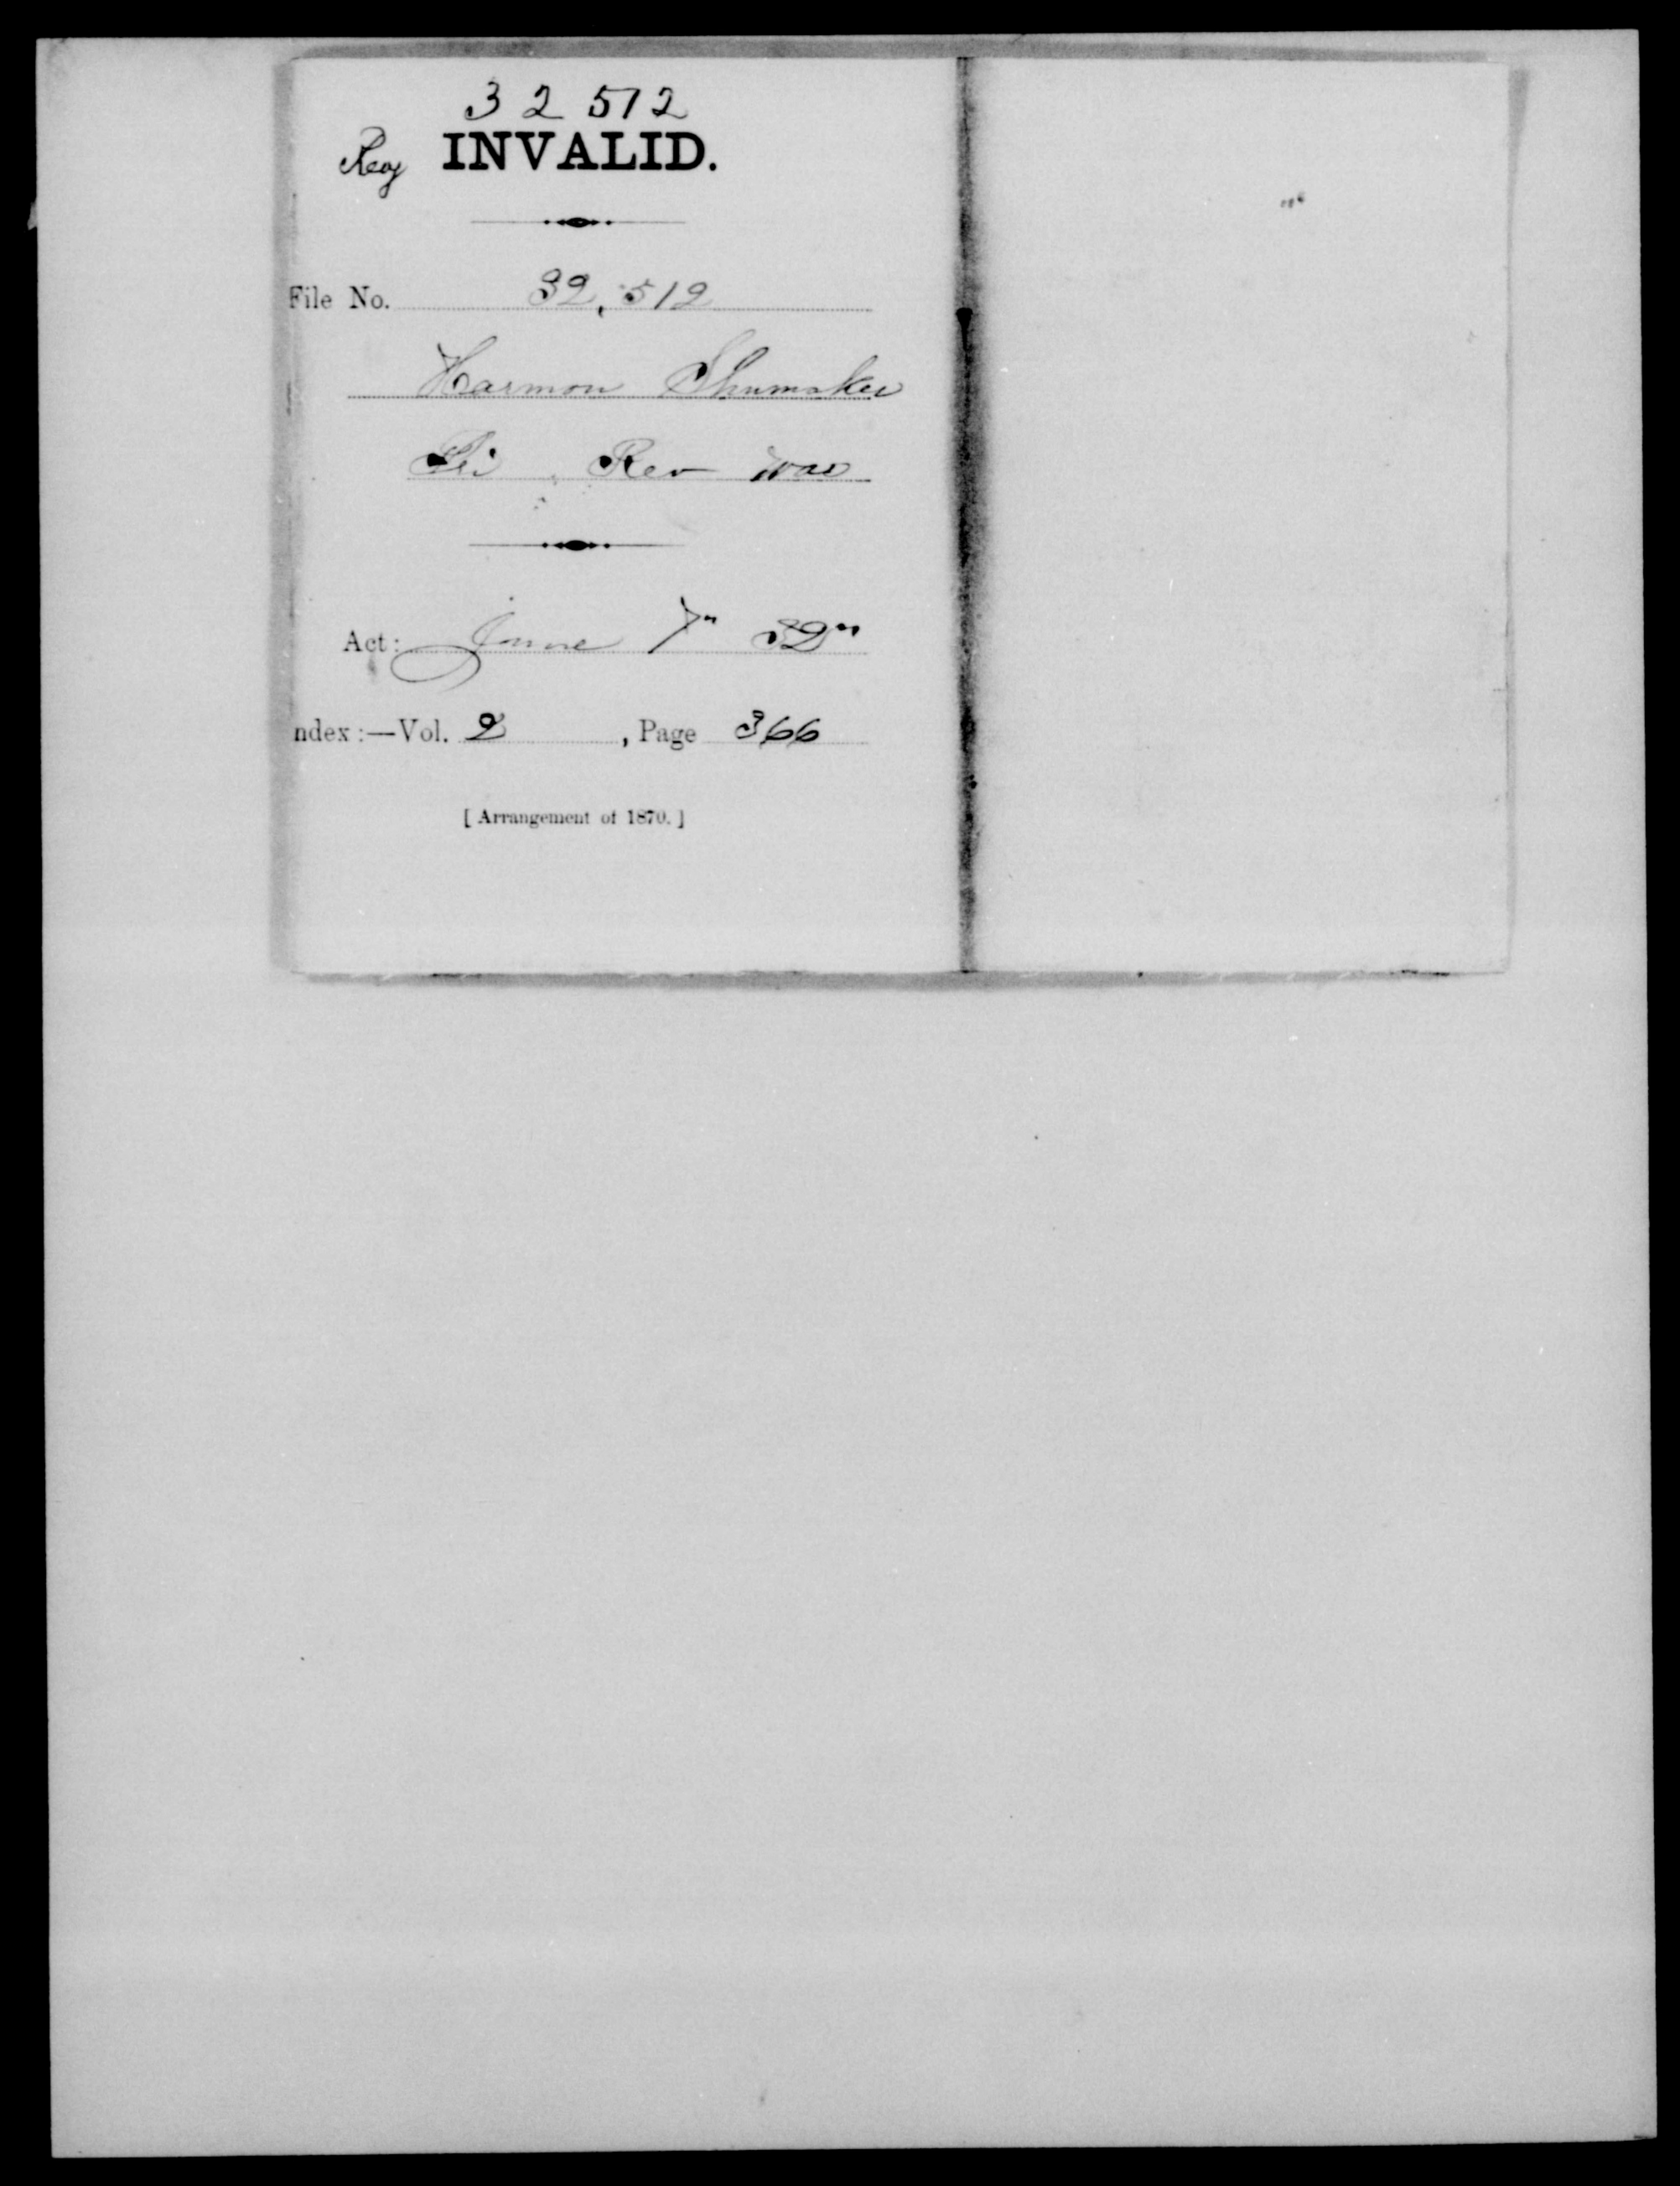32512
 INVALID
Reg
File No. 32.512

Harmon Shumaker
Pri Rev War
---
Act. June  7 32"
Index: - Vol. 2, Page 366

[Arrangement of 1870.]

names: Harmon Shumaker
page: 14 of 20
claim: survivor's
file: S. 32512, for Harmon Shumaker, Maryland